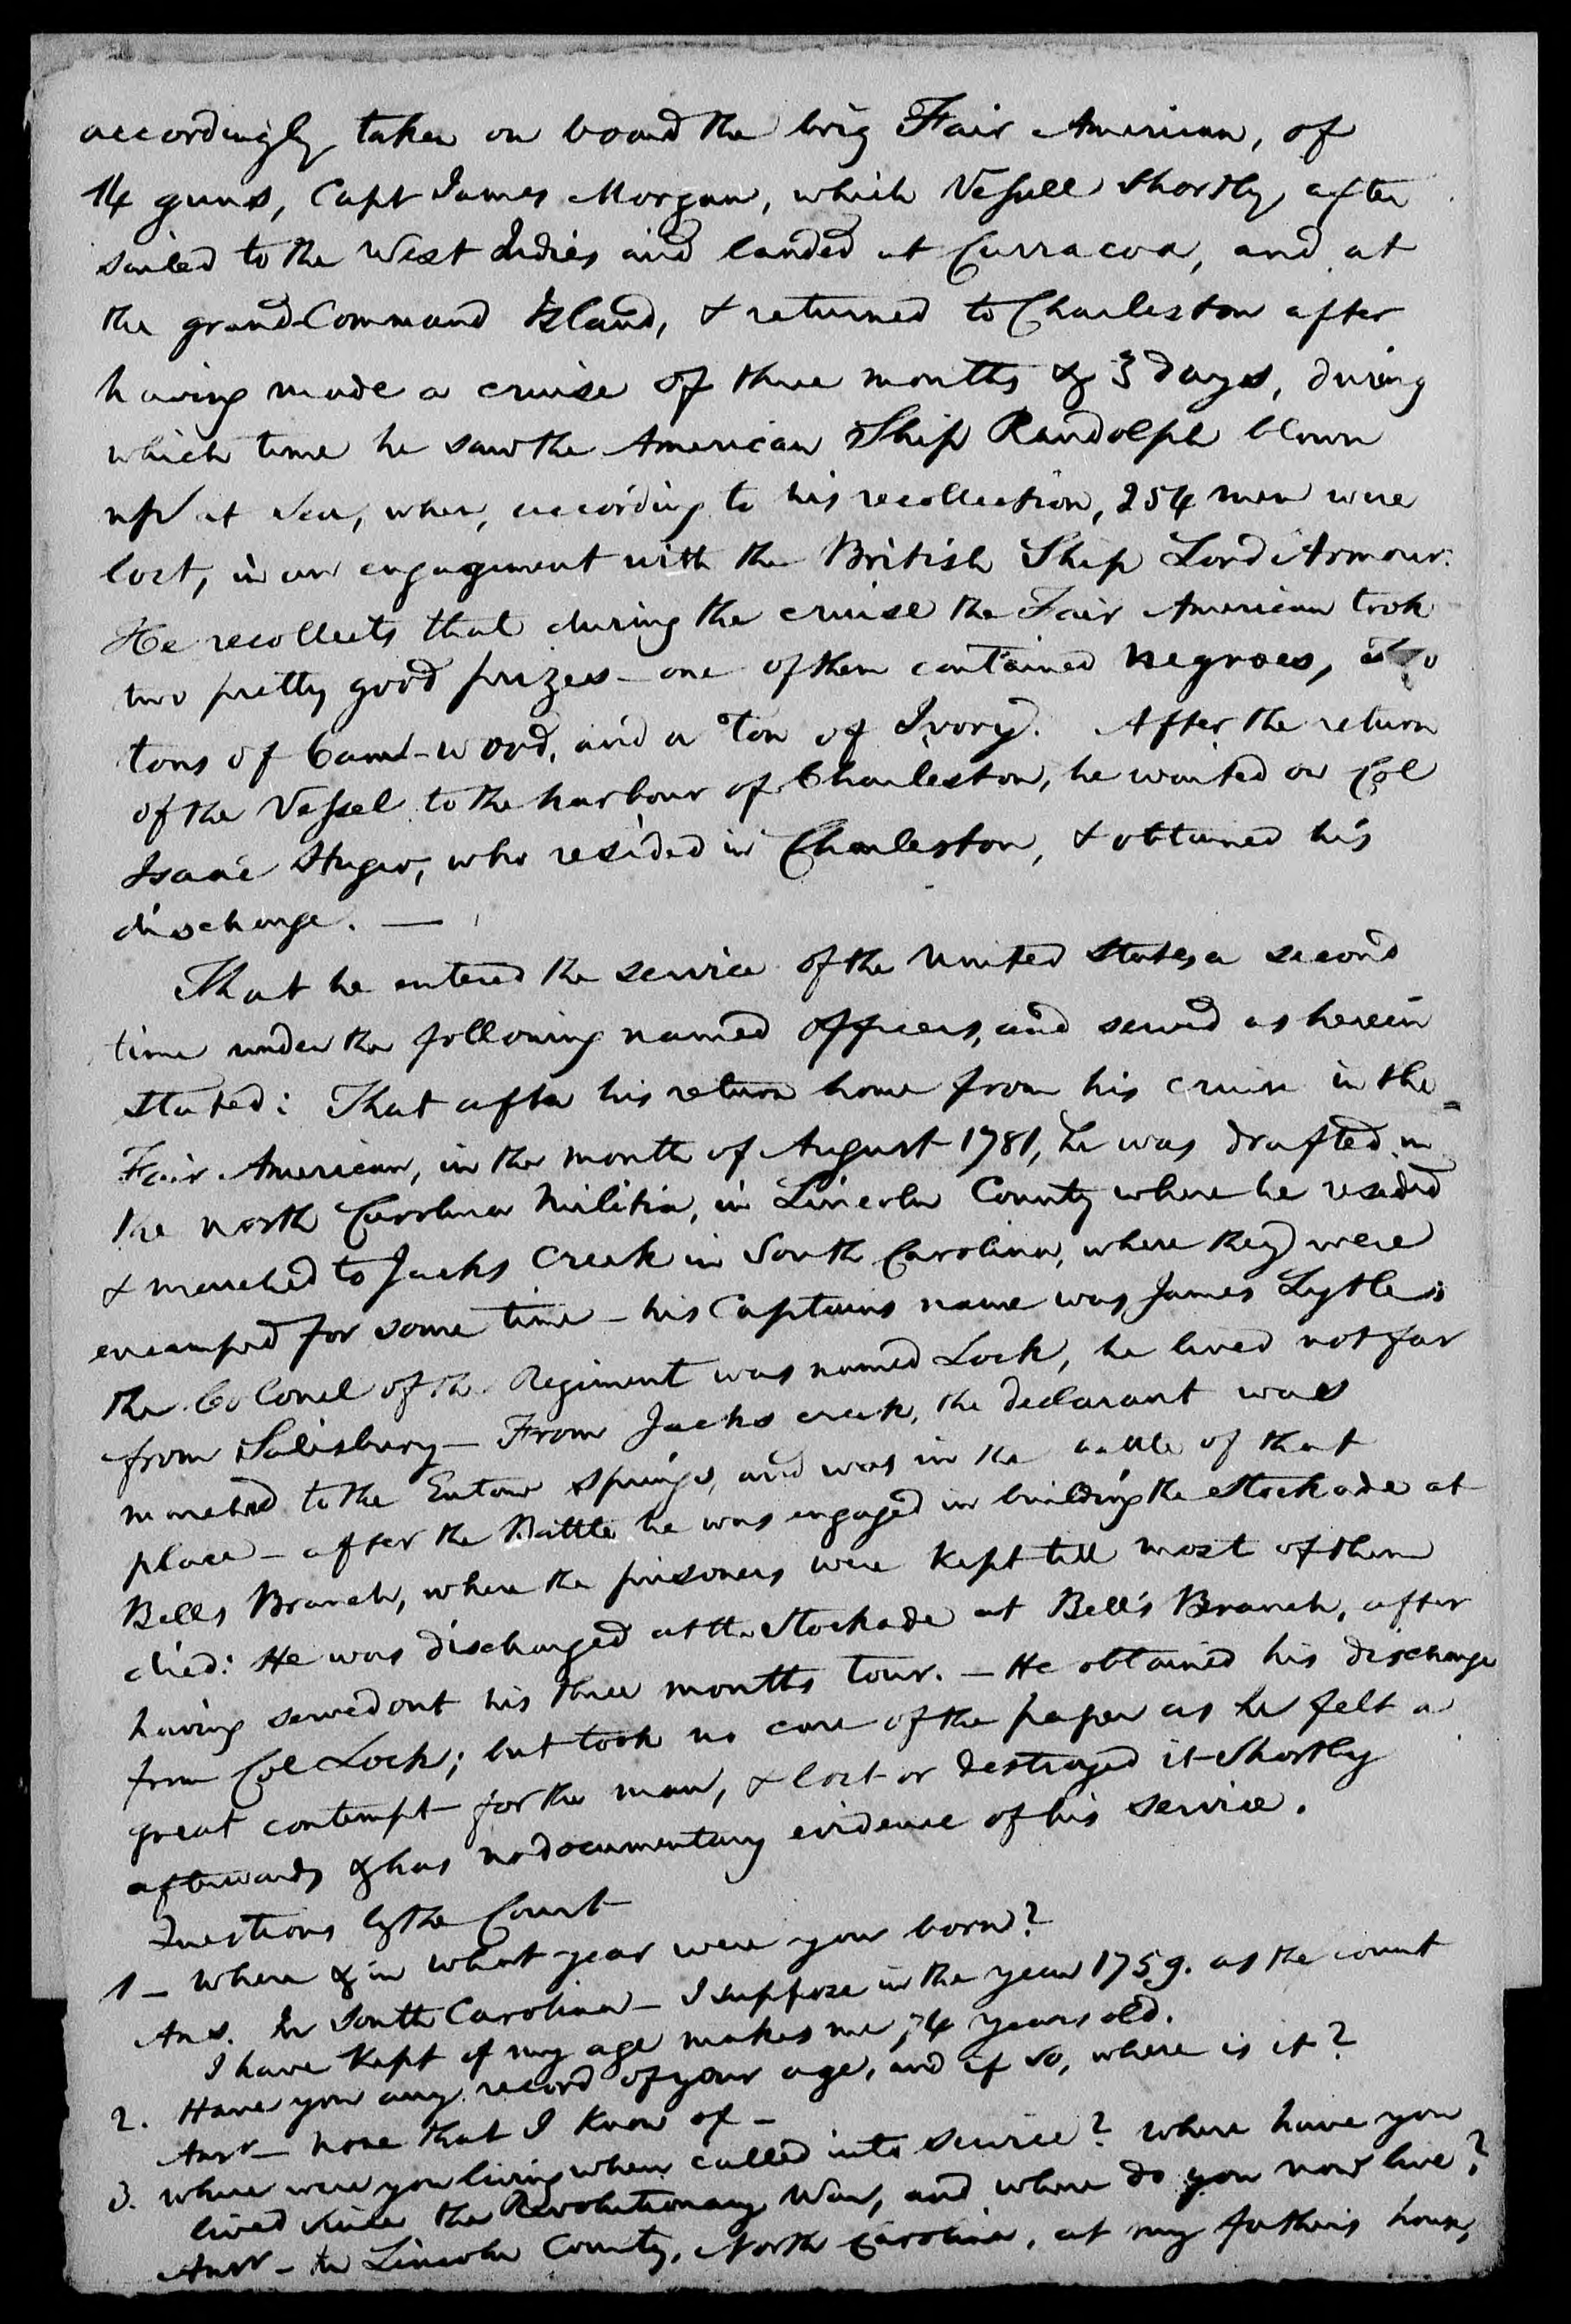accordingly taken on board the brig Fair American, of 14 guns, Capt James Morgan, which vessell shortly after sailed to the West Indies and landed at Curracon, and, at the grand command Island, & returned to Charleston after having made a cruise of three months & 3 days, during which time he saw the American Ship Randolph blown up at Sea, when, according to his recollection, 254 men were lost, in an engagement with the British Ship Lord Armour. He recollects that during the cruise the Fair American took two pretty good prizes - one of them contained Negroes, two tons of Camwood and a ton of Ivory. After the return of the vessel to the harbour of Charleston, he waited on Col Isaac Huger, who resided in Charleston, & obtained his discharge.
That he entered the service of the United States a second time under the following named officers, and served as herein stated: That after his return home from his cruise in the For American, in the month of August 1781, he was drafted in the North Carolina Militia in Lincoln County where he resided & marched to Jacks Creek in South Carolina, where they were encamped for some time - his captains name was James Lytle, the Colonel of the Regiment was named Lock, he lived not far from Salisbury. From Jacks Creek, the declarant was marched to the Eutaw Springs, and was in the battle of that place - after the Battle he was engaged in building the Stockade at Bells Branch, where the prisoners were kept till most of them died. He was discharged at the Stockade at Bell's Branch, after having served out his three months tour. He obtained his discharge from Col Lock; but took no care of the paper as he felt a great contempt for the man, & lost or destroyed it shortly afterwards & has no documentary evidence of his service.
Questions by the Court
1. when & in what year were you born? Ans. In South Carolina - I suppose in the year 1759, as the count I have kept of my age makes me 74 years old.
2. Have you any record of your age, and if so, where is it? Ans. none that I know of
3. where were you living when called into service? Where have you lived since the Revolutionary War, and where do you now live? Ans. In Lincoln County, North Carolina, at my fathers house,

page: 6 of 33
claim: rejected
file: R 10439, for William Taylor, North Carolina